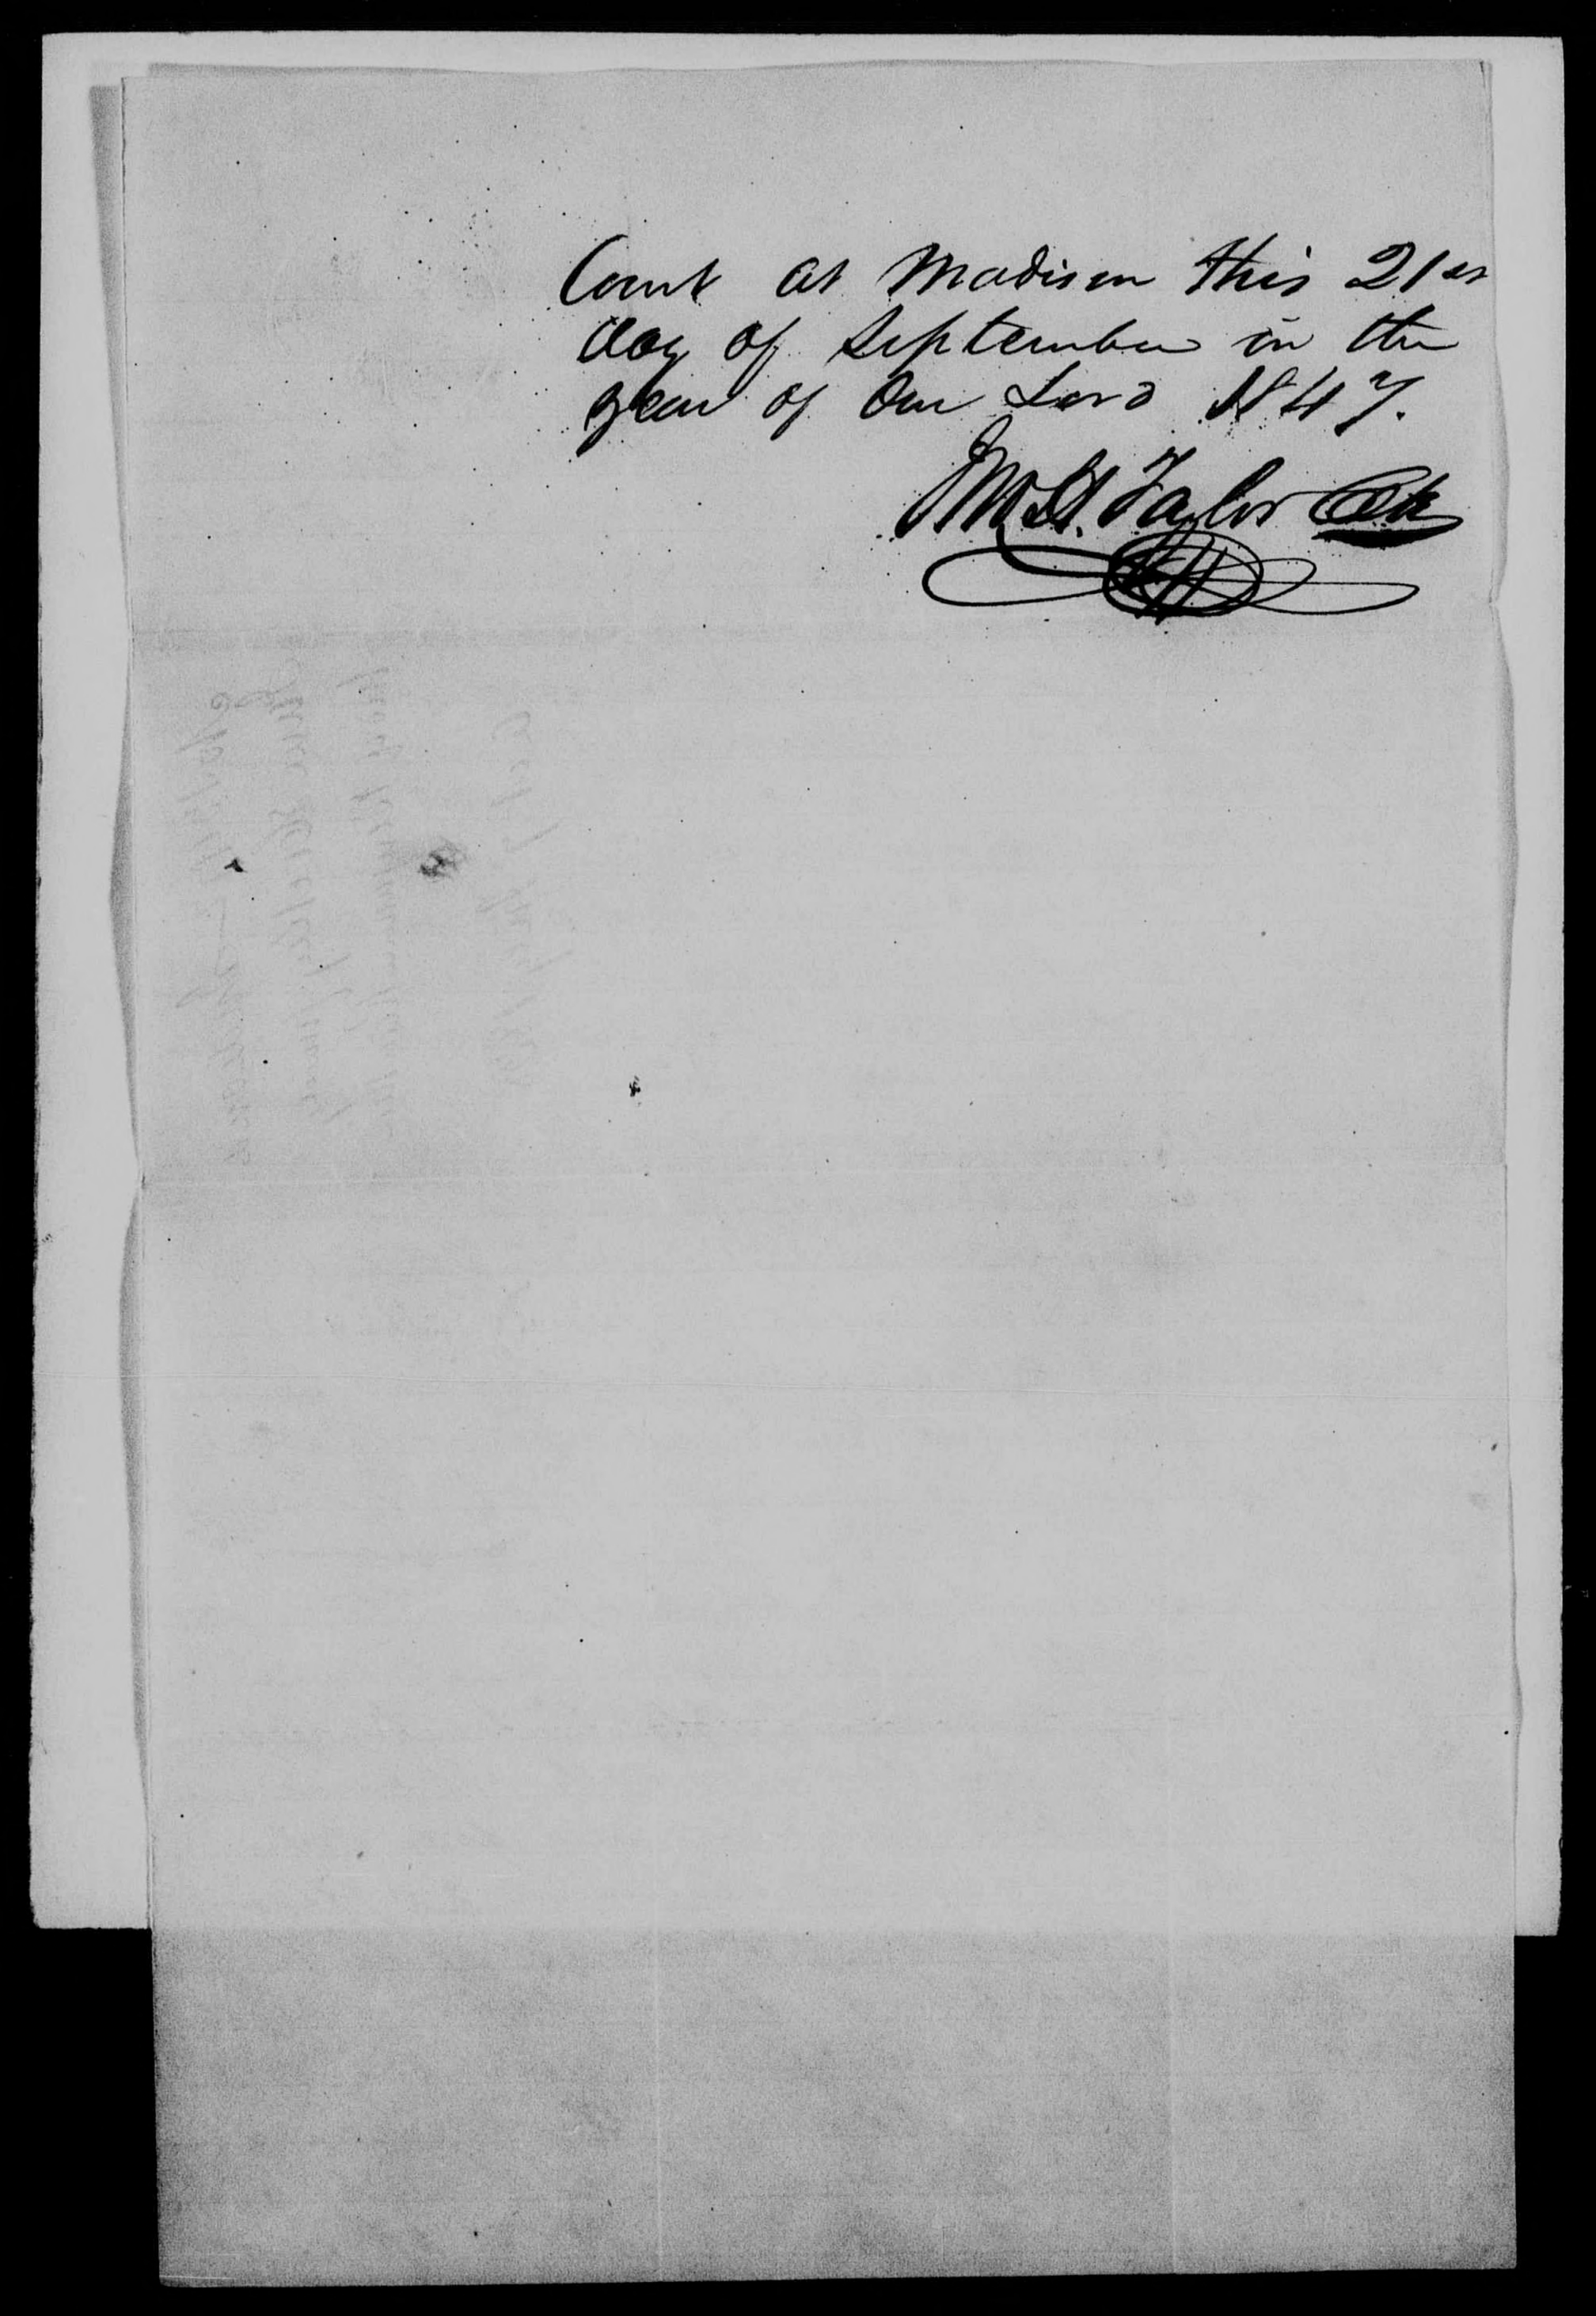Court at Madison this 21st
day of September in the
year of Our Lord
1847
Jno H. Taylor Clk
[seal]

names: Jno H Taylor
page: 7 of 84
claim: widow's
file: W. 7744, Daniel Hickey, Penn.